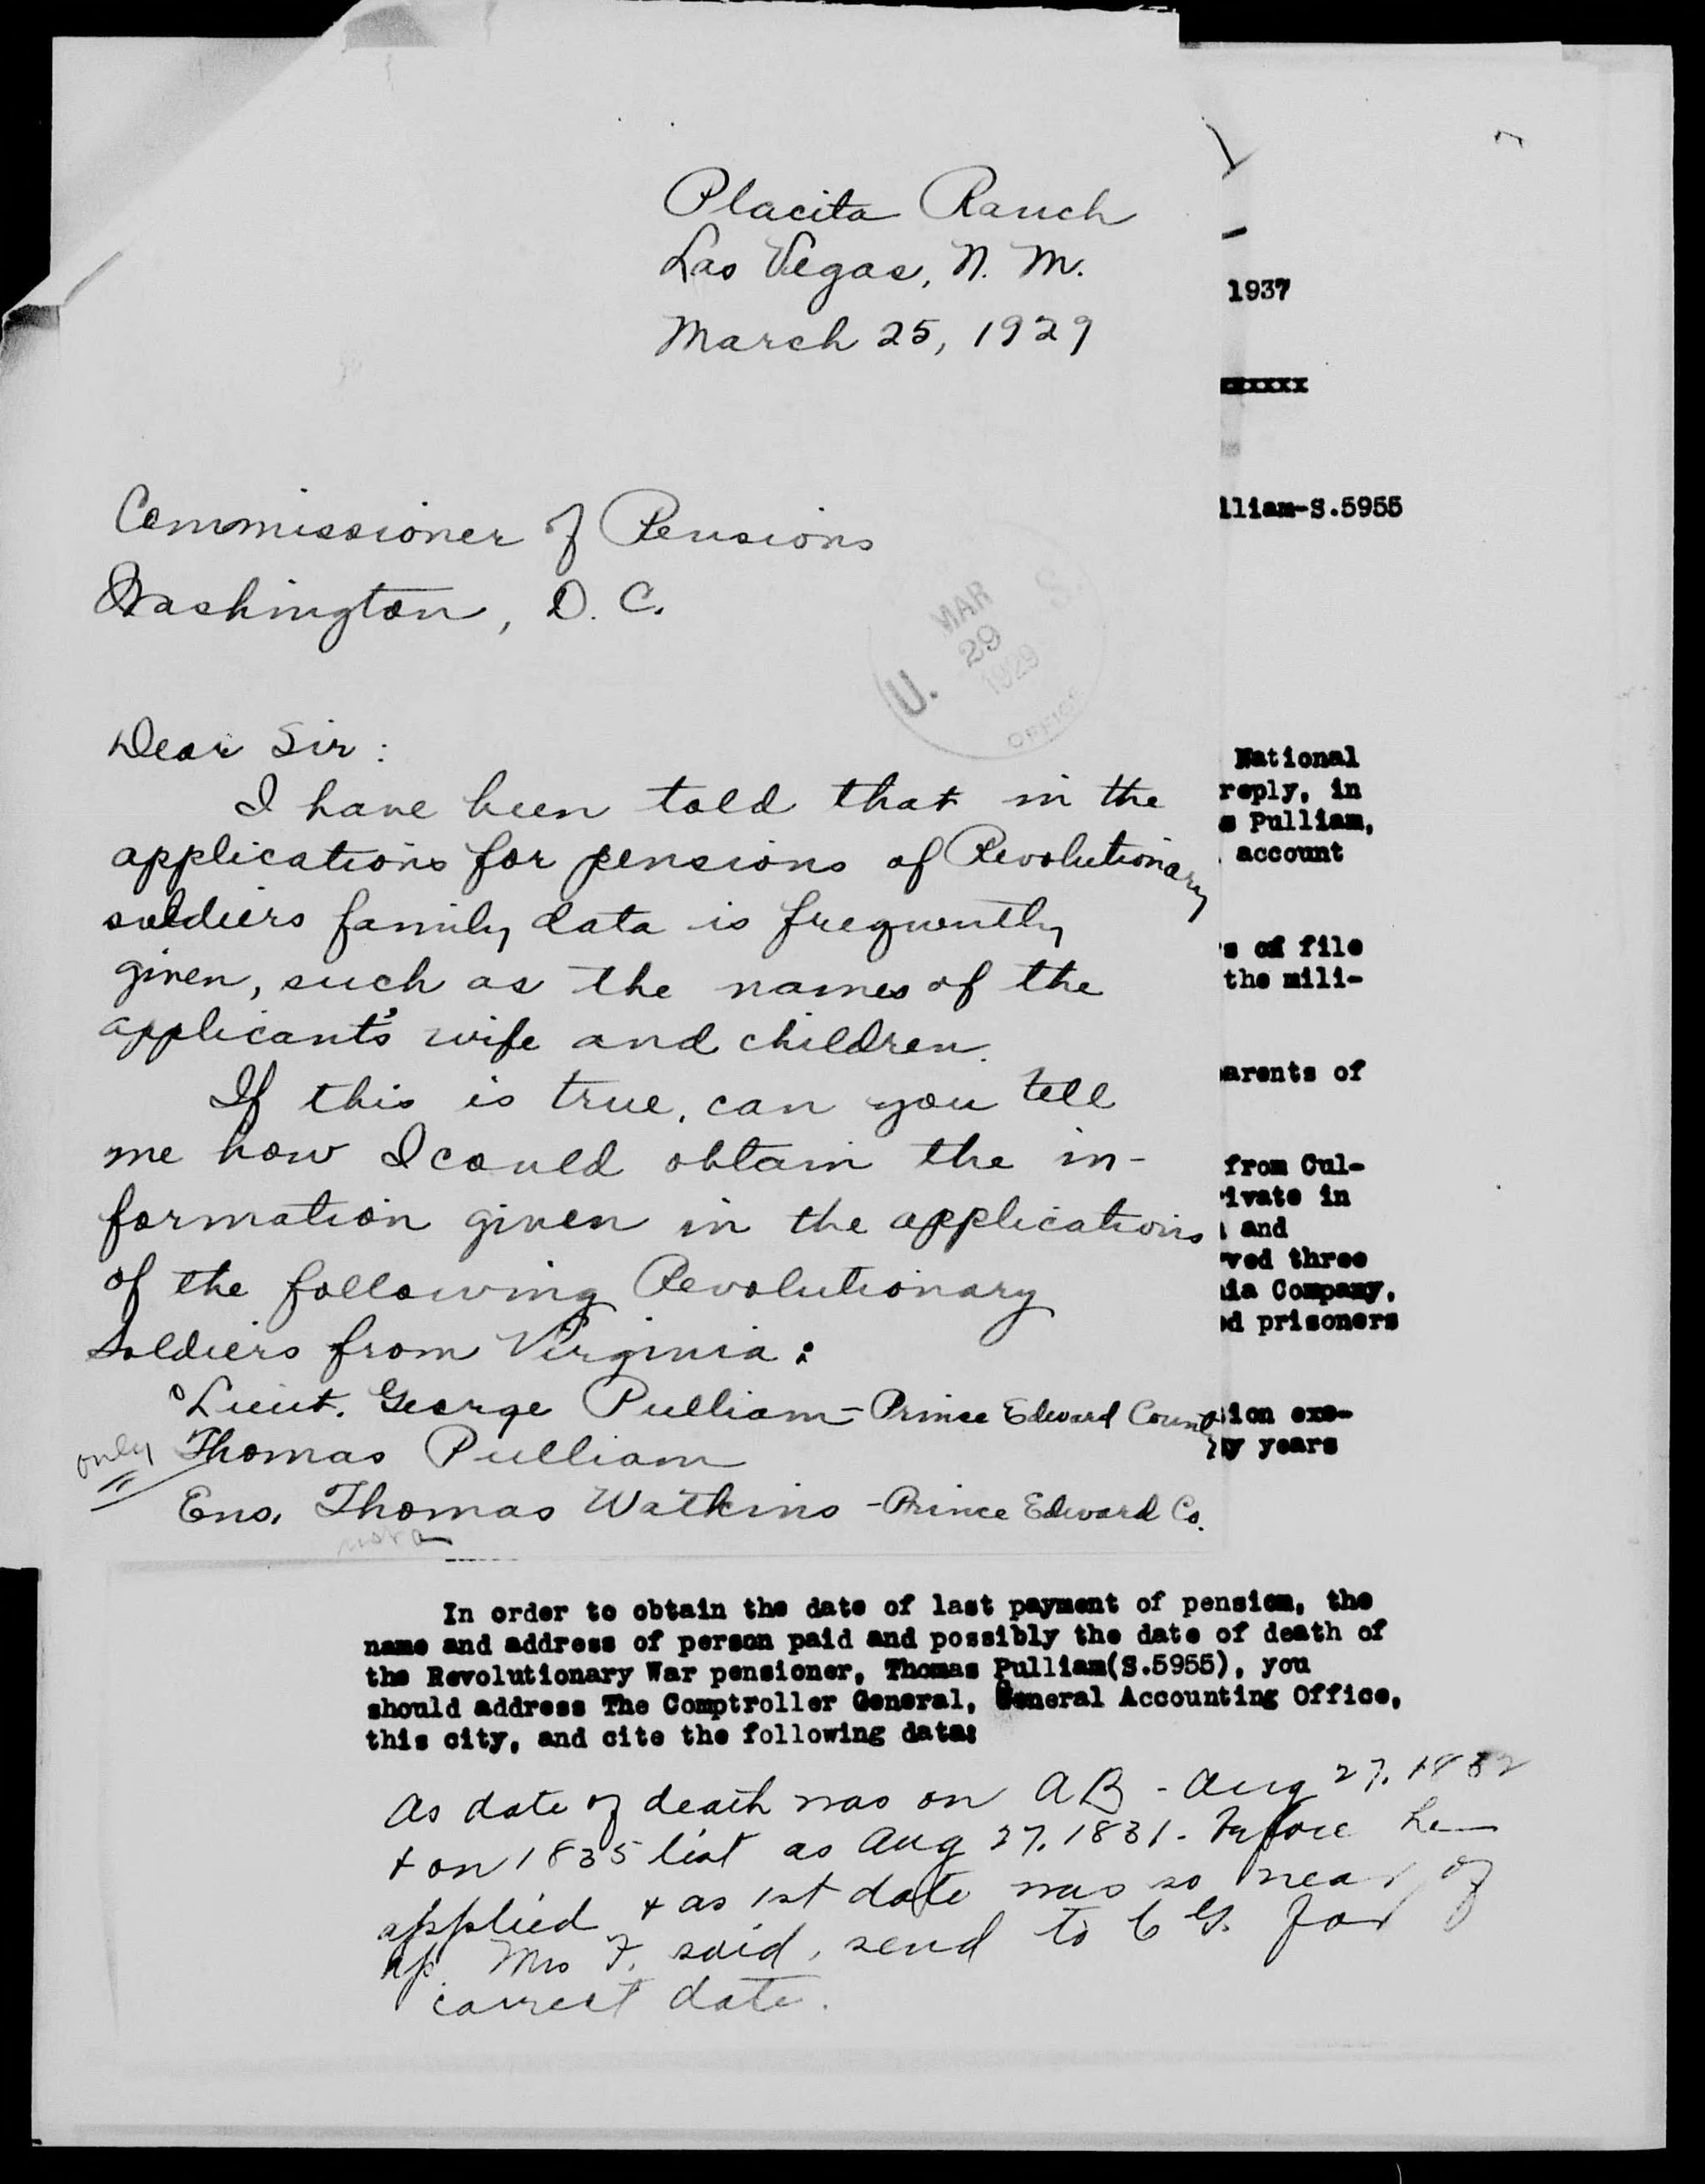[This note is attached to the longer reply from the Commissioner of Pensions, most of the latter's text being obscured.]

Placita Ranch
Las Vegas, N. M.
March 25, 1929

Commissioner of Pensions
Washington, D.C.

Dear Sir
I have been told that in the
application for pensions of Revolutionary
soldiers family data is frequently
given, such as the names of the
applicant's wife and children.
If this is true, can you tell
me how I could obtain the information
of the following Revolutionary
Soldiers from Virginia:
Lieut. George Pulliam Prince Edward County
only Thomas Pulliam
Ens, Thomas Watkins Prince Edward Co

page: 22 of 27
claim: survivor's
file: S. 5,955, for Thomas Pulliam, Virginia